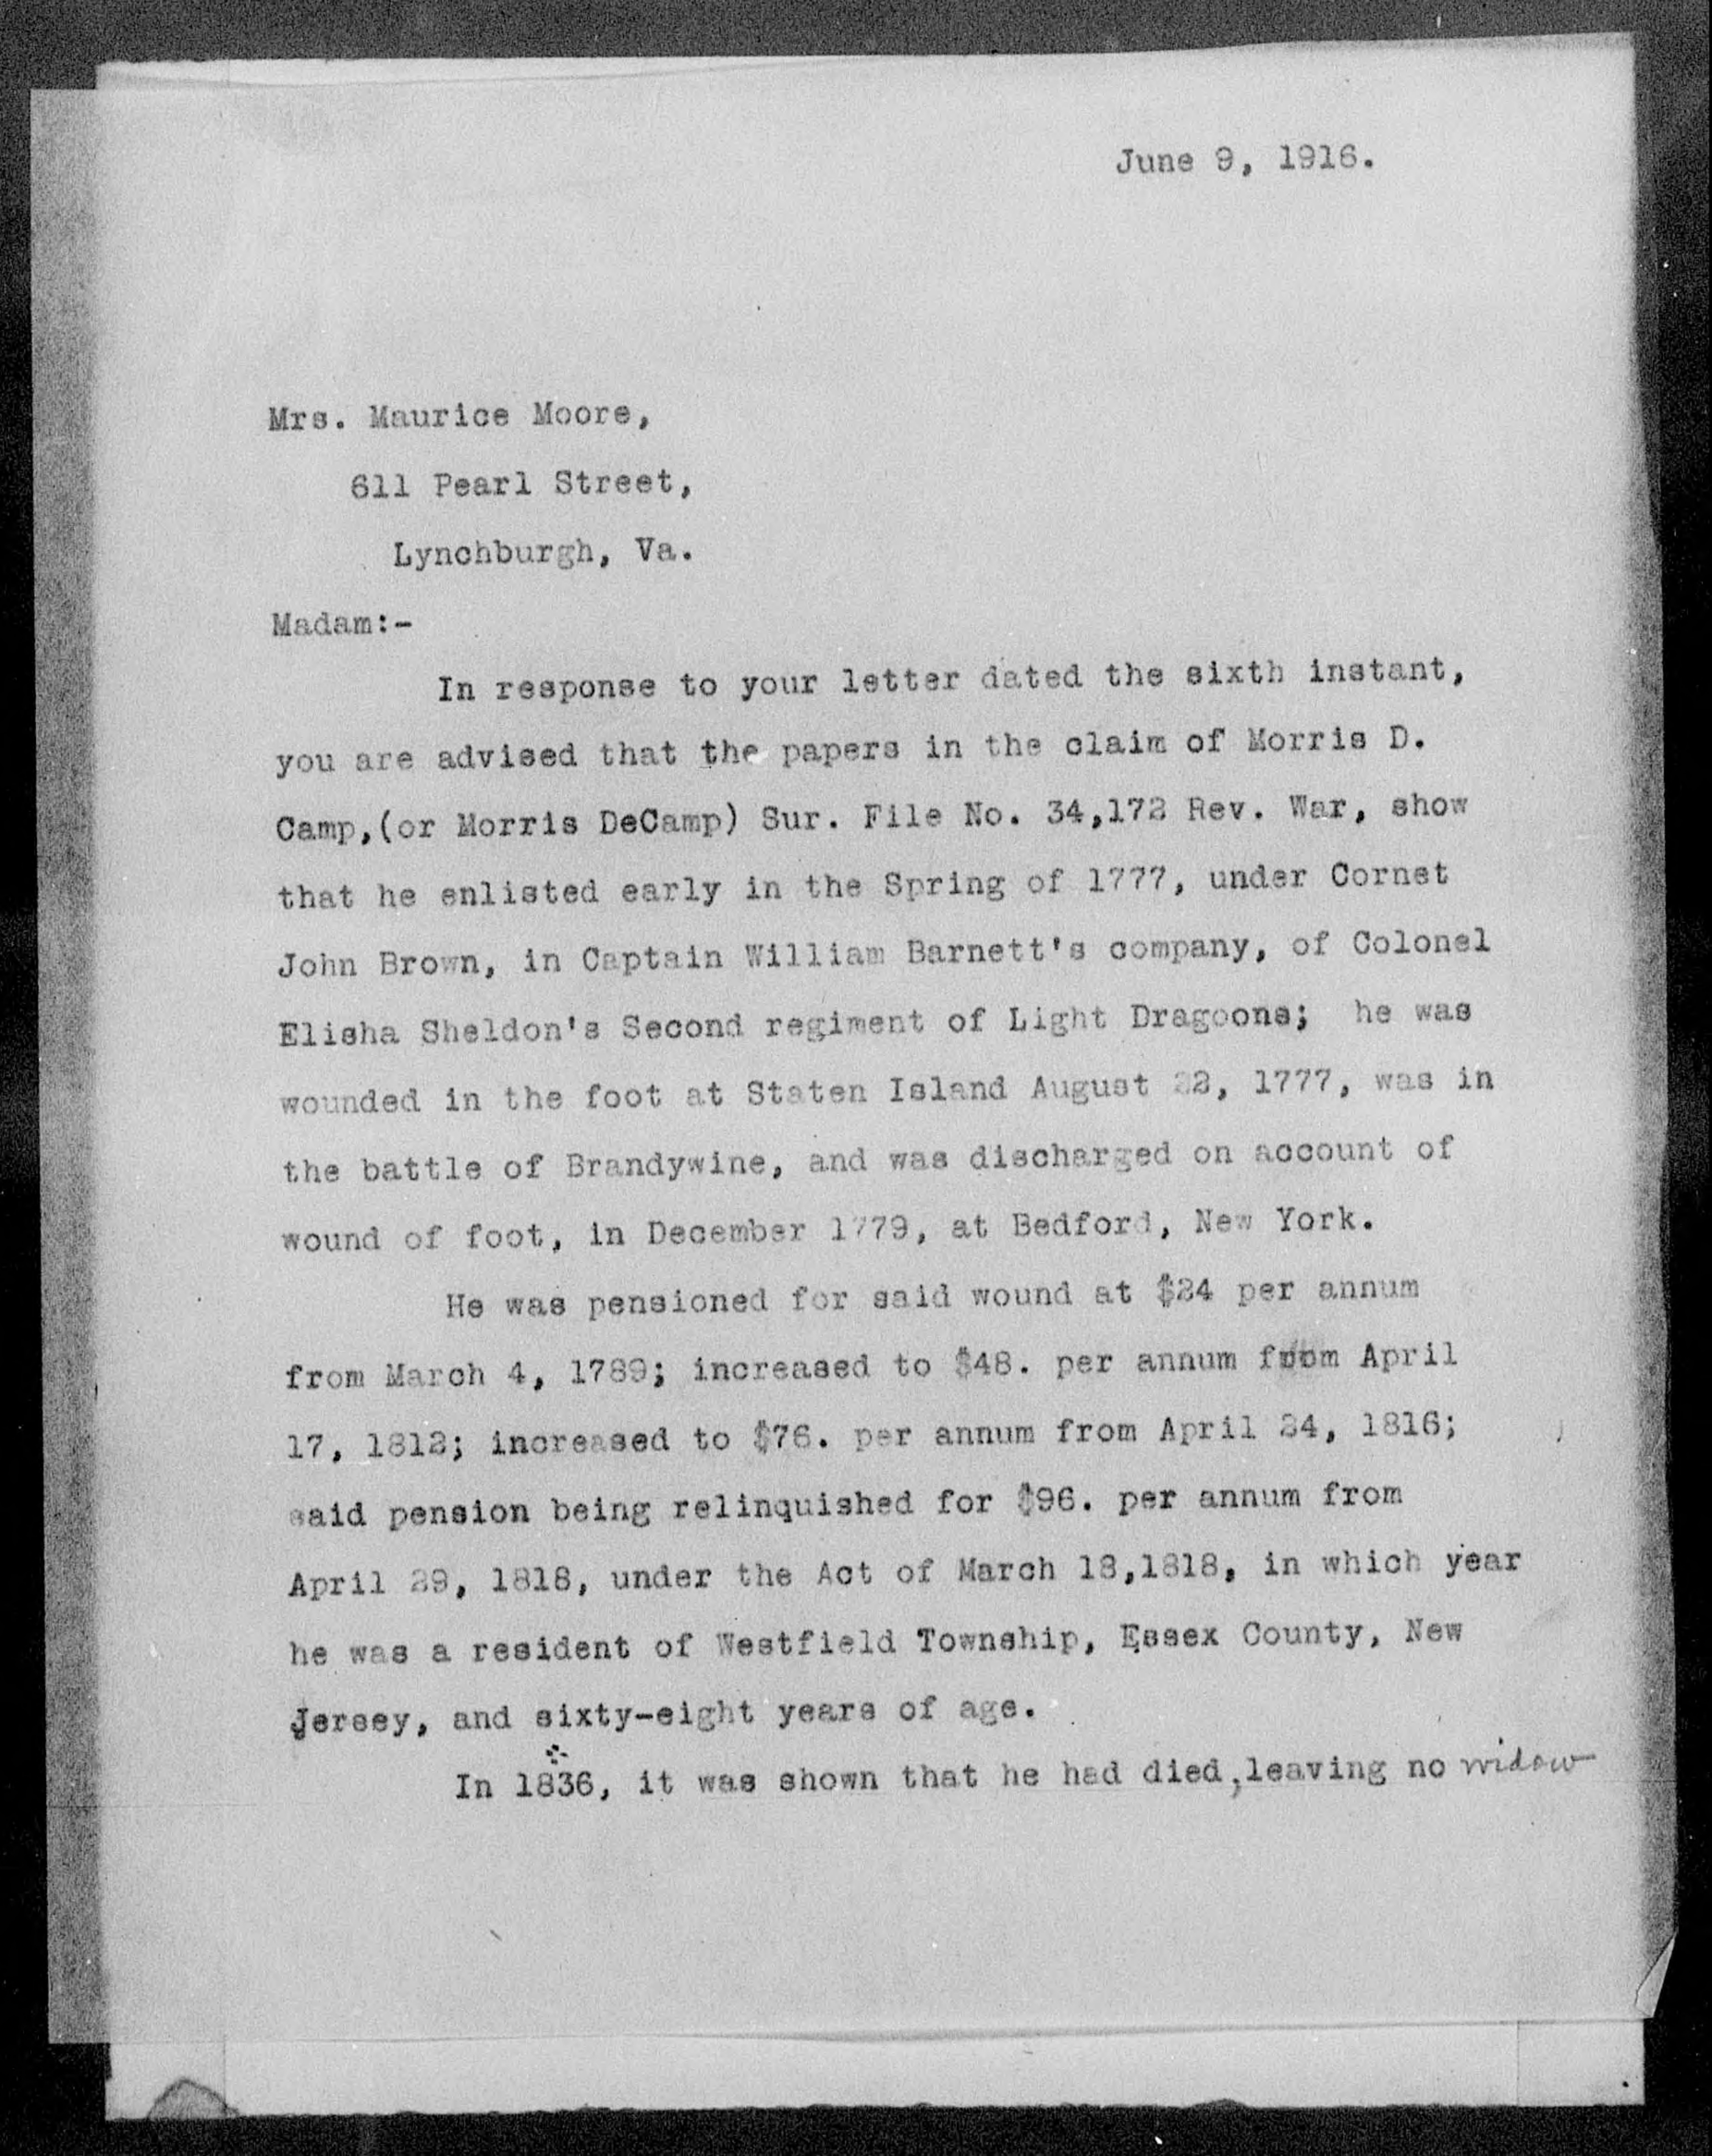June 9, 1916
Mrs. Maurice Moore,
611 Pearl Street,
Lynchburg, Va.
Madam -
In response to your letter dated the sixth instant, you are advised that the papers in the claim of Morris D. Camp, (or Morris DeCamp) Sur. File No. 34,172 Rev. War, show
that he enlisted early in the Spring of 1777, under Cornet John Brown, in Captain William Barnett's company, of Colonel Elisha Sheldon's Second regiment of Light Dragoons; he was wounded in the foot at Staten Island August 22, 1777, was in
the battle of Brandywine, and was discharged on account of wound of foot, in December 1779, at Bedford, New York.
He was pensioned for said wound at $24 per annum from March 4, 1789; increased to $48 per annum from April 17, 1812; increased to $76. per annum from April 24, 1816;
said pension being relinquished for $96. per annum from April 29, 1818, under the Act of March 18, 1818, in which year he was a resident of Westfield Township, Essex County, New Jersey, and sixty-eight years of age.
In 1836, it was shown that he had died, leaving no widow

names: Maurice Moore, John Brown, Morris D Camp, Morris Decamp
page: 47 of 52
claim: survivor's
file: S. 34172, Morris D Camp, Continental (New Jersey)